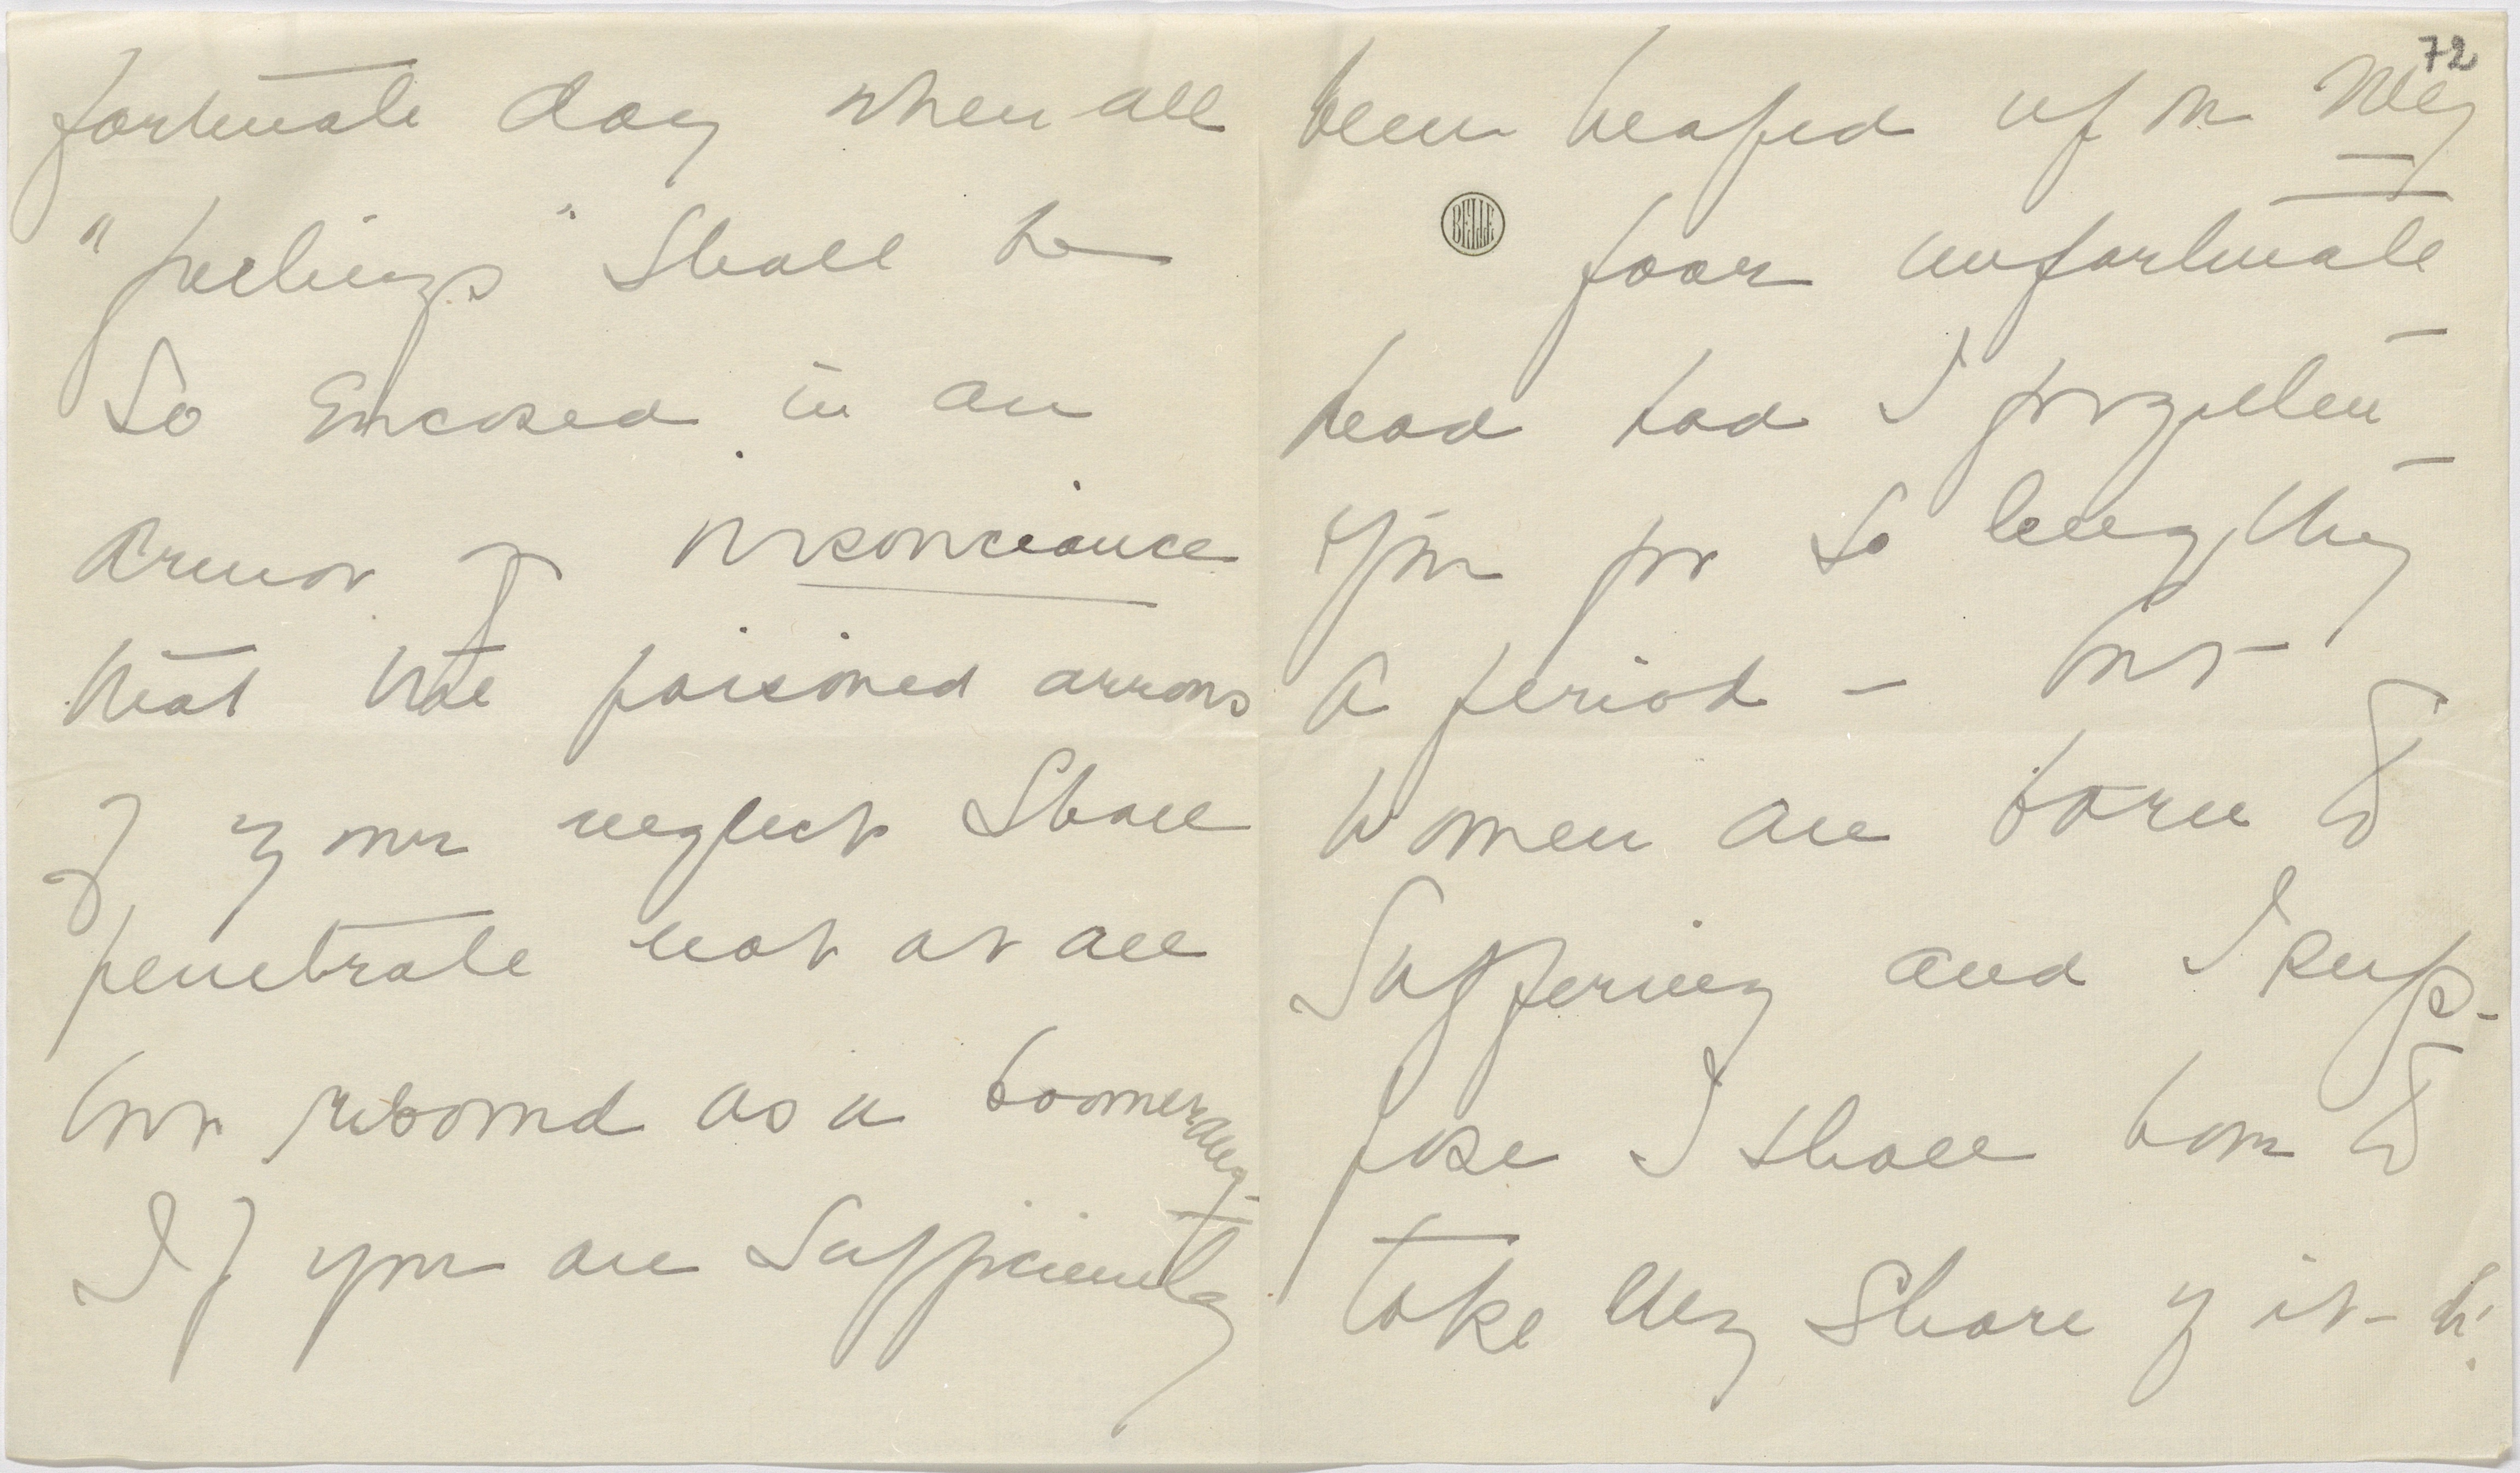been heaped up on my poor unfortunate head had I forgotten you for so lengthy a period – but women are born to suffering and I suppose I shall have to take my share of it – oh!
fortunate day when all “feelings” shall be so encased in an armor of insouciance that the poisoned arrows of your neglect shall penetrate not at all but rebound as a boomerang – If you are sufficiently